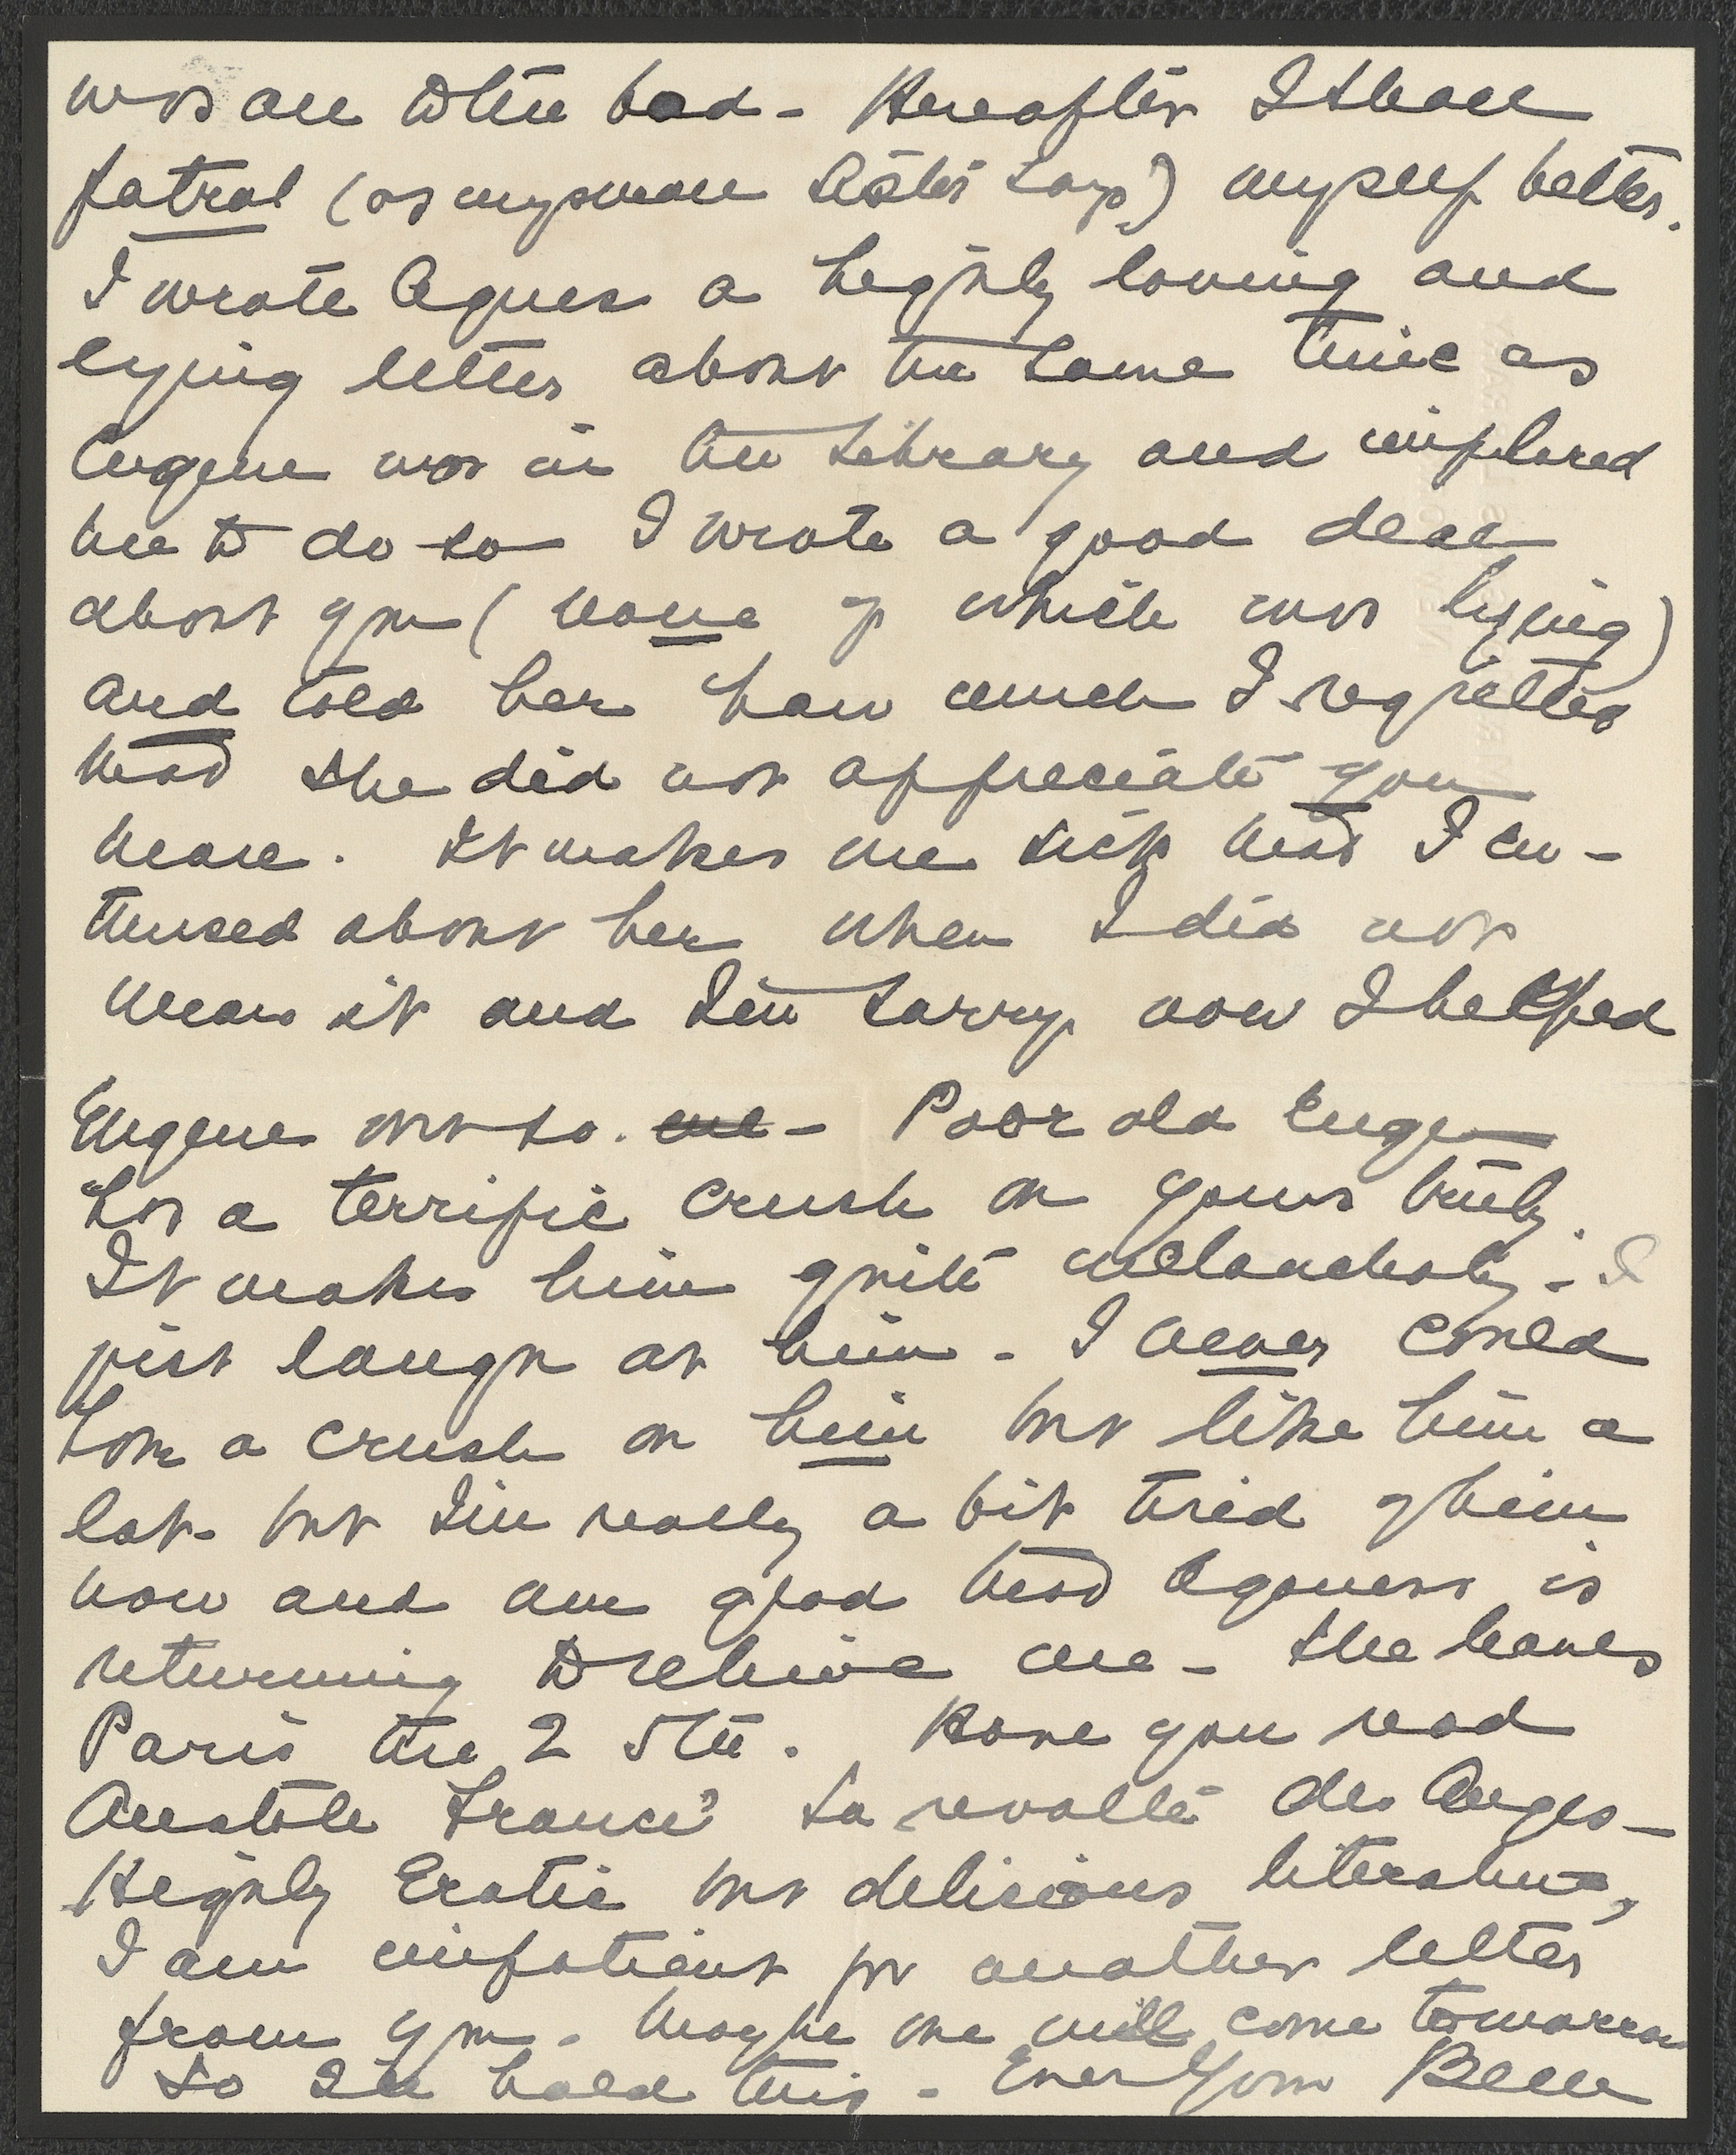was all to the bad – Hereafter I shall patrol (as my small sister says) myself better.
I wrote Agnes a highly loving and lying letter about the same time as Eugene was in the Library and implored me to do so I wrote a good deal about you (none of which was lying) and told her how much I regretted that she did not appreciate you more. It makes me sick that I enthused about her when I did not mean it and I’m sorry now I helped Eugene out so mu – Poor old Euge has a terrific crush on yours truly. It makes him quite melancholy – I just laugh at him – I never could have a crush on him but like him a lot – but I’m really a bit tired of him now and am glad that Agoness is returning to relieve me – She leaves Paris the 25th. Have you read Anatole France? La revolte des Anges – Highly erotic but delicious literature, I am impatient for another letter from you – Maybe one will come tomorrow so I’ll hold this – Ever Your Belle